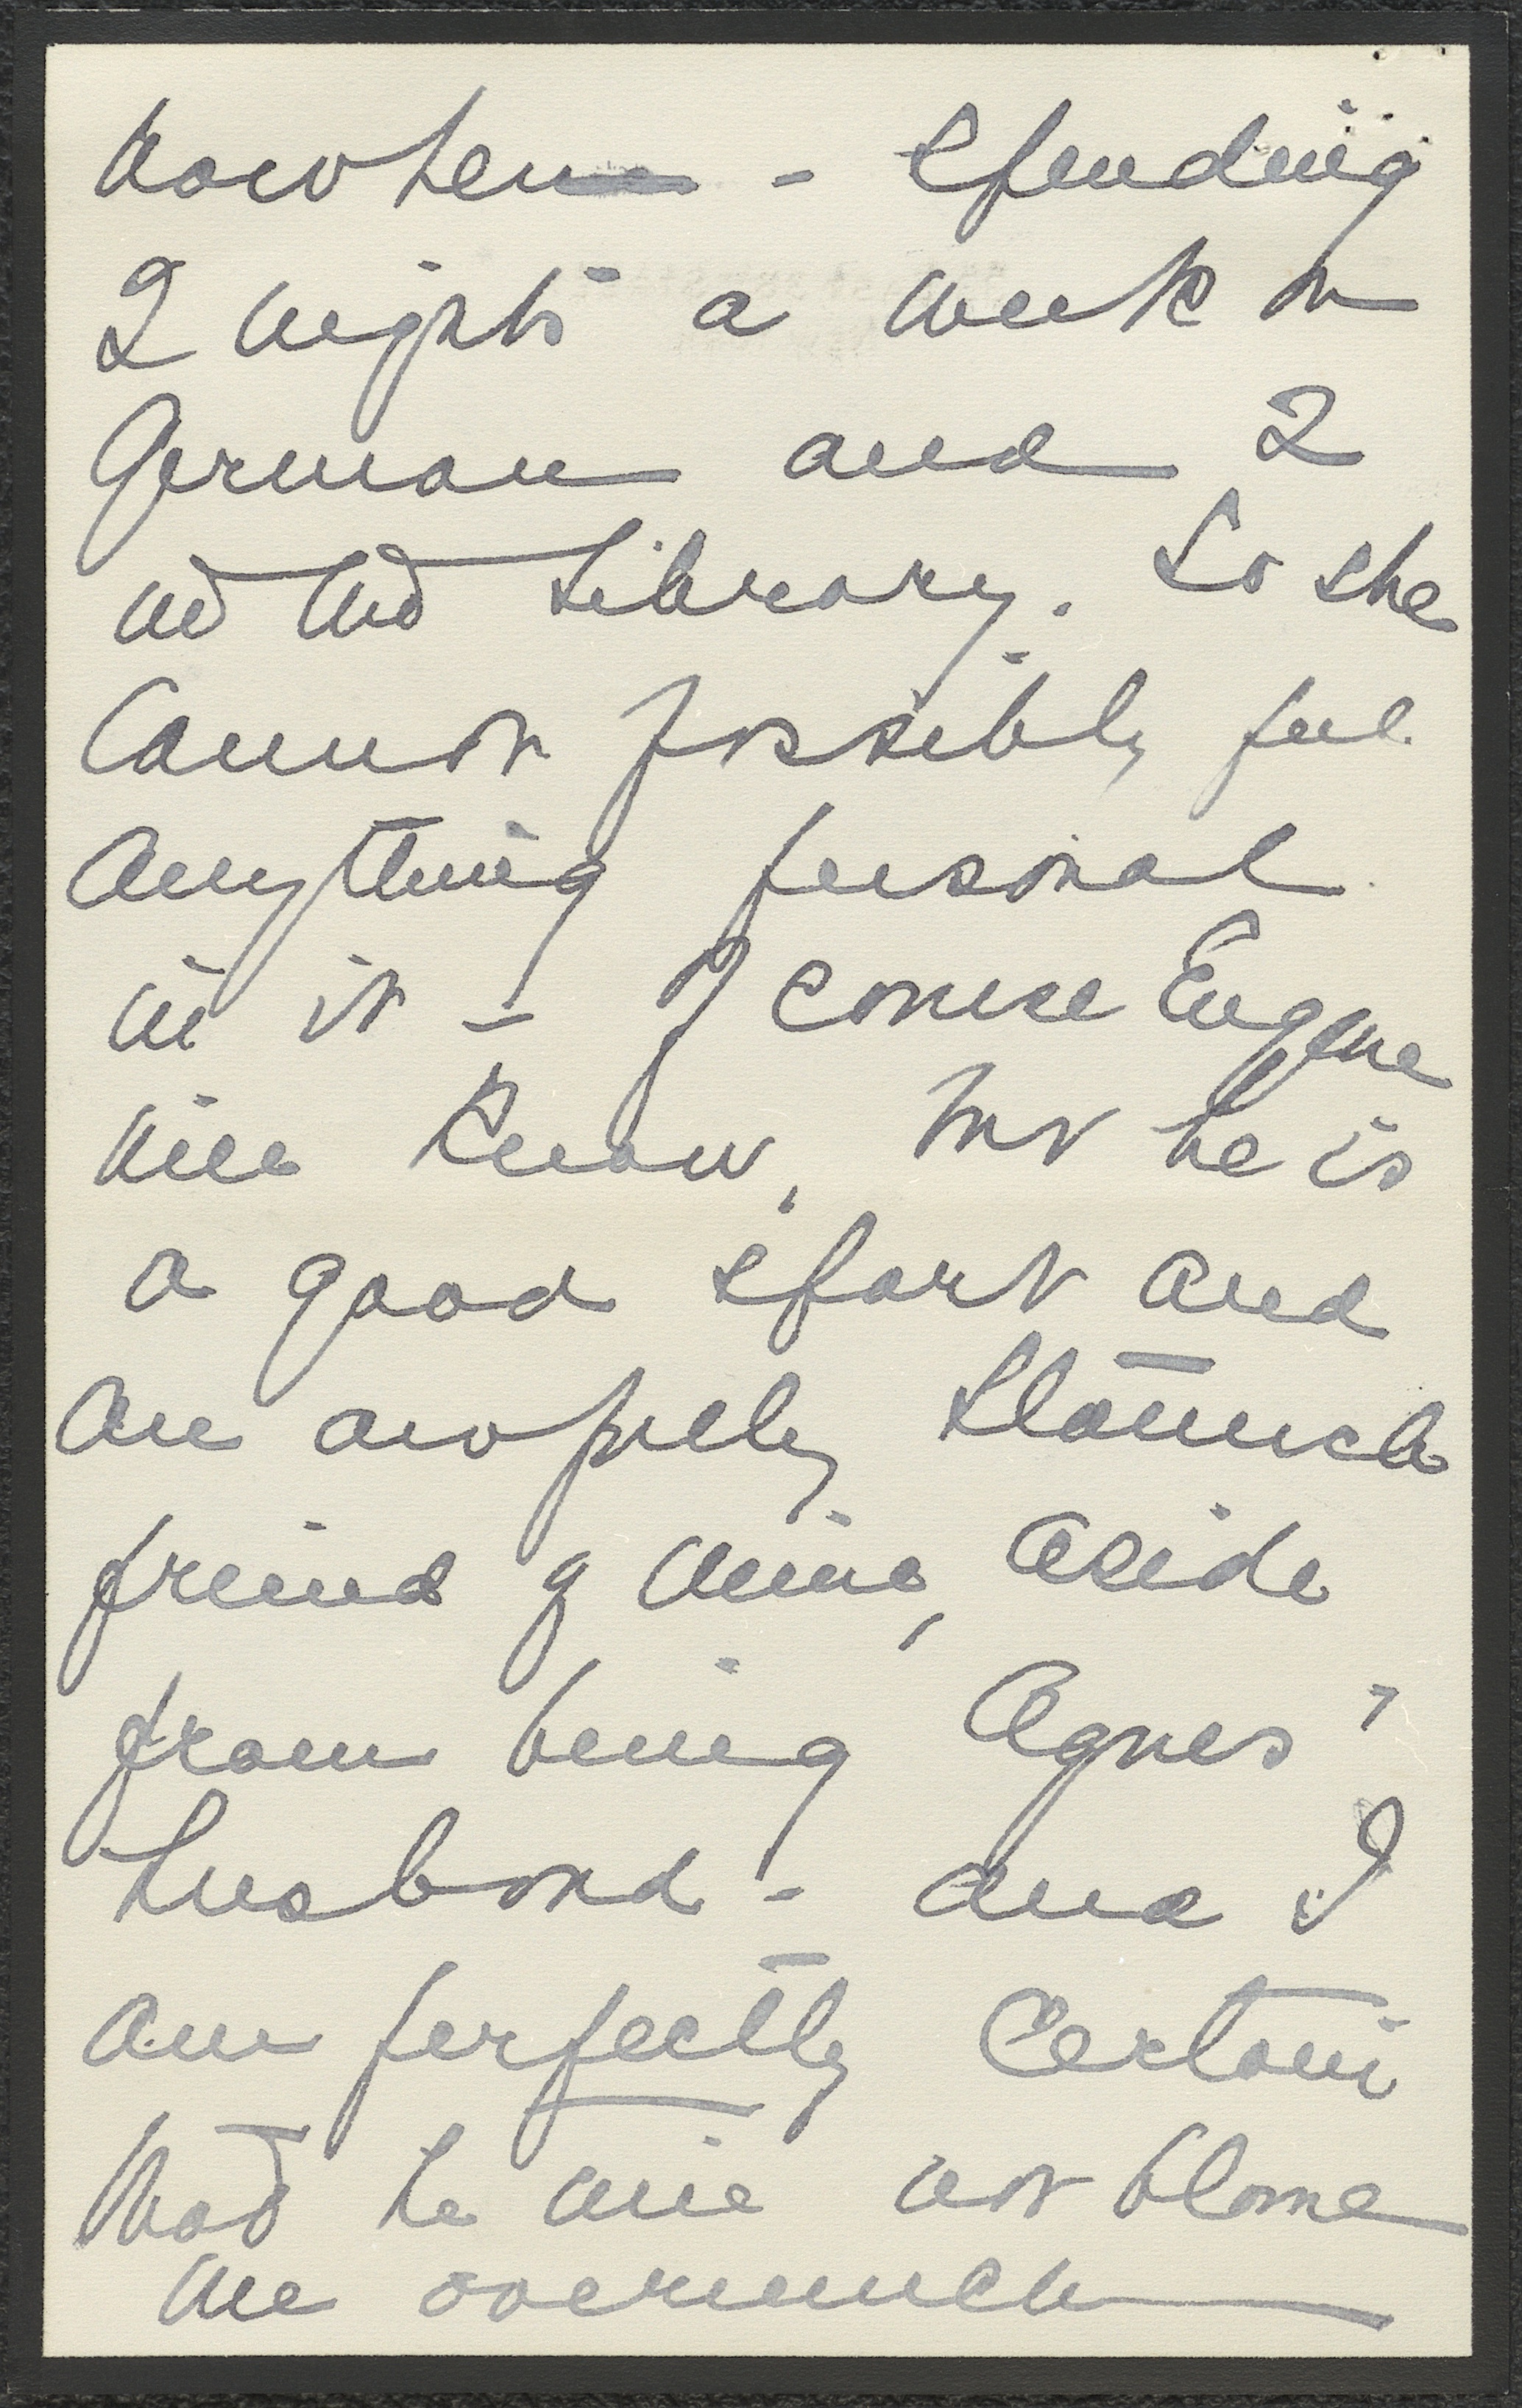nowhere – spending 2 nights a week on German and 2 in the Library. So she cannot possibly feel anything personal in it – of course Eugene will know, but he is a good sport and an awfully staunch friend of mine, aside from being Agnes’ husband – and I am perfectly certain that he will not blame me overmuch –